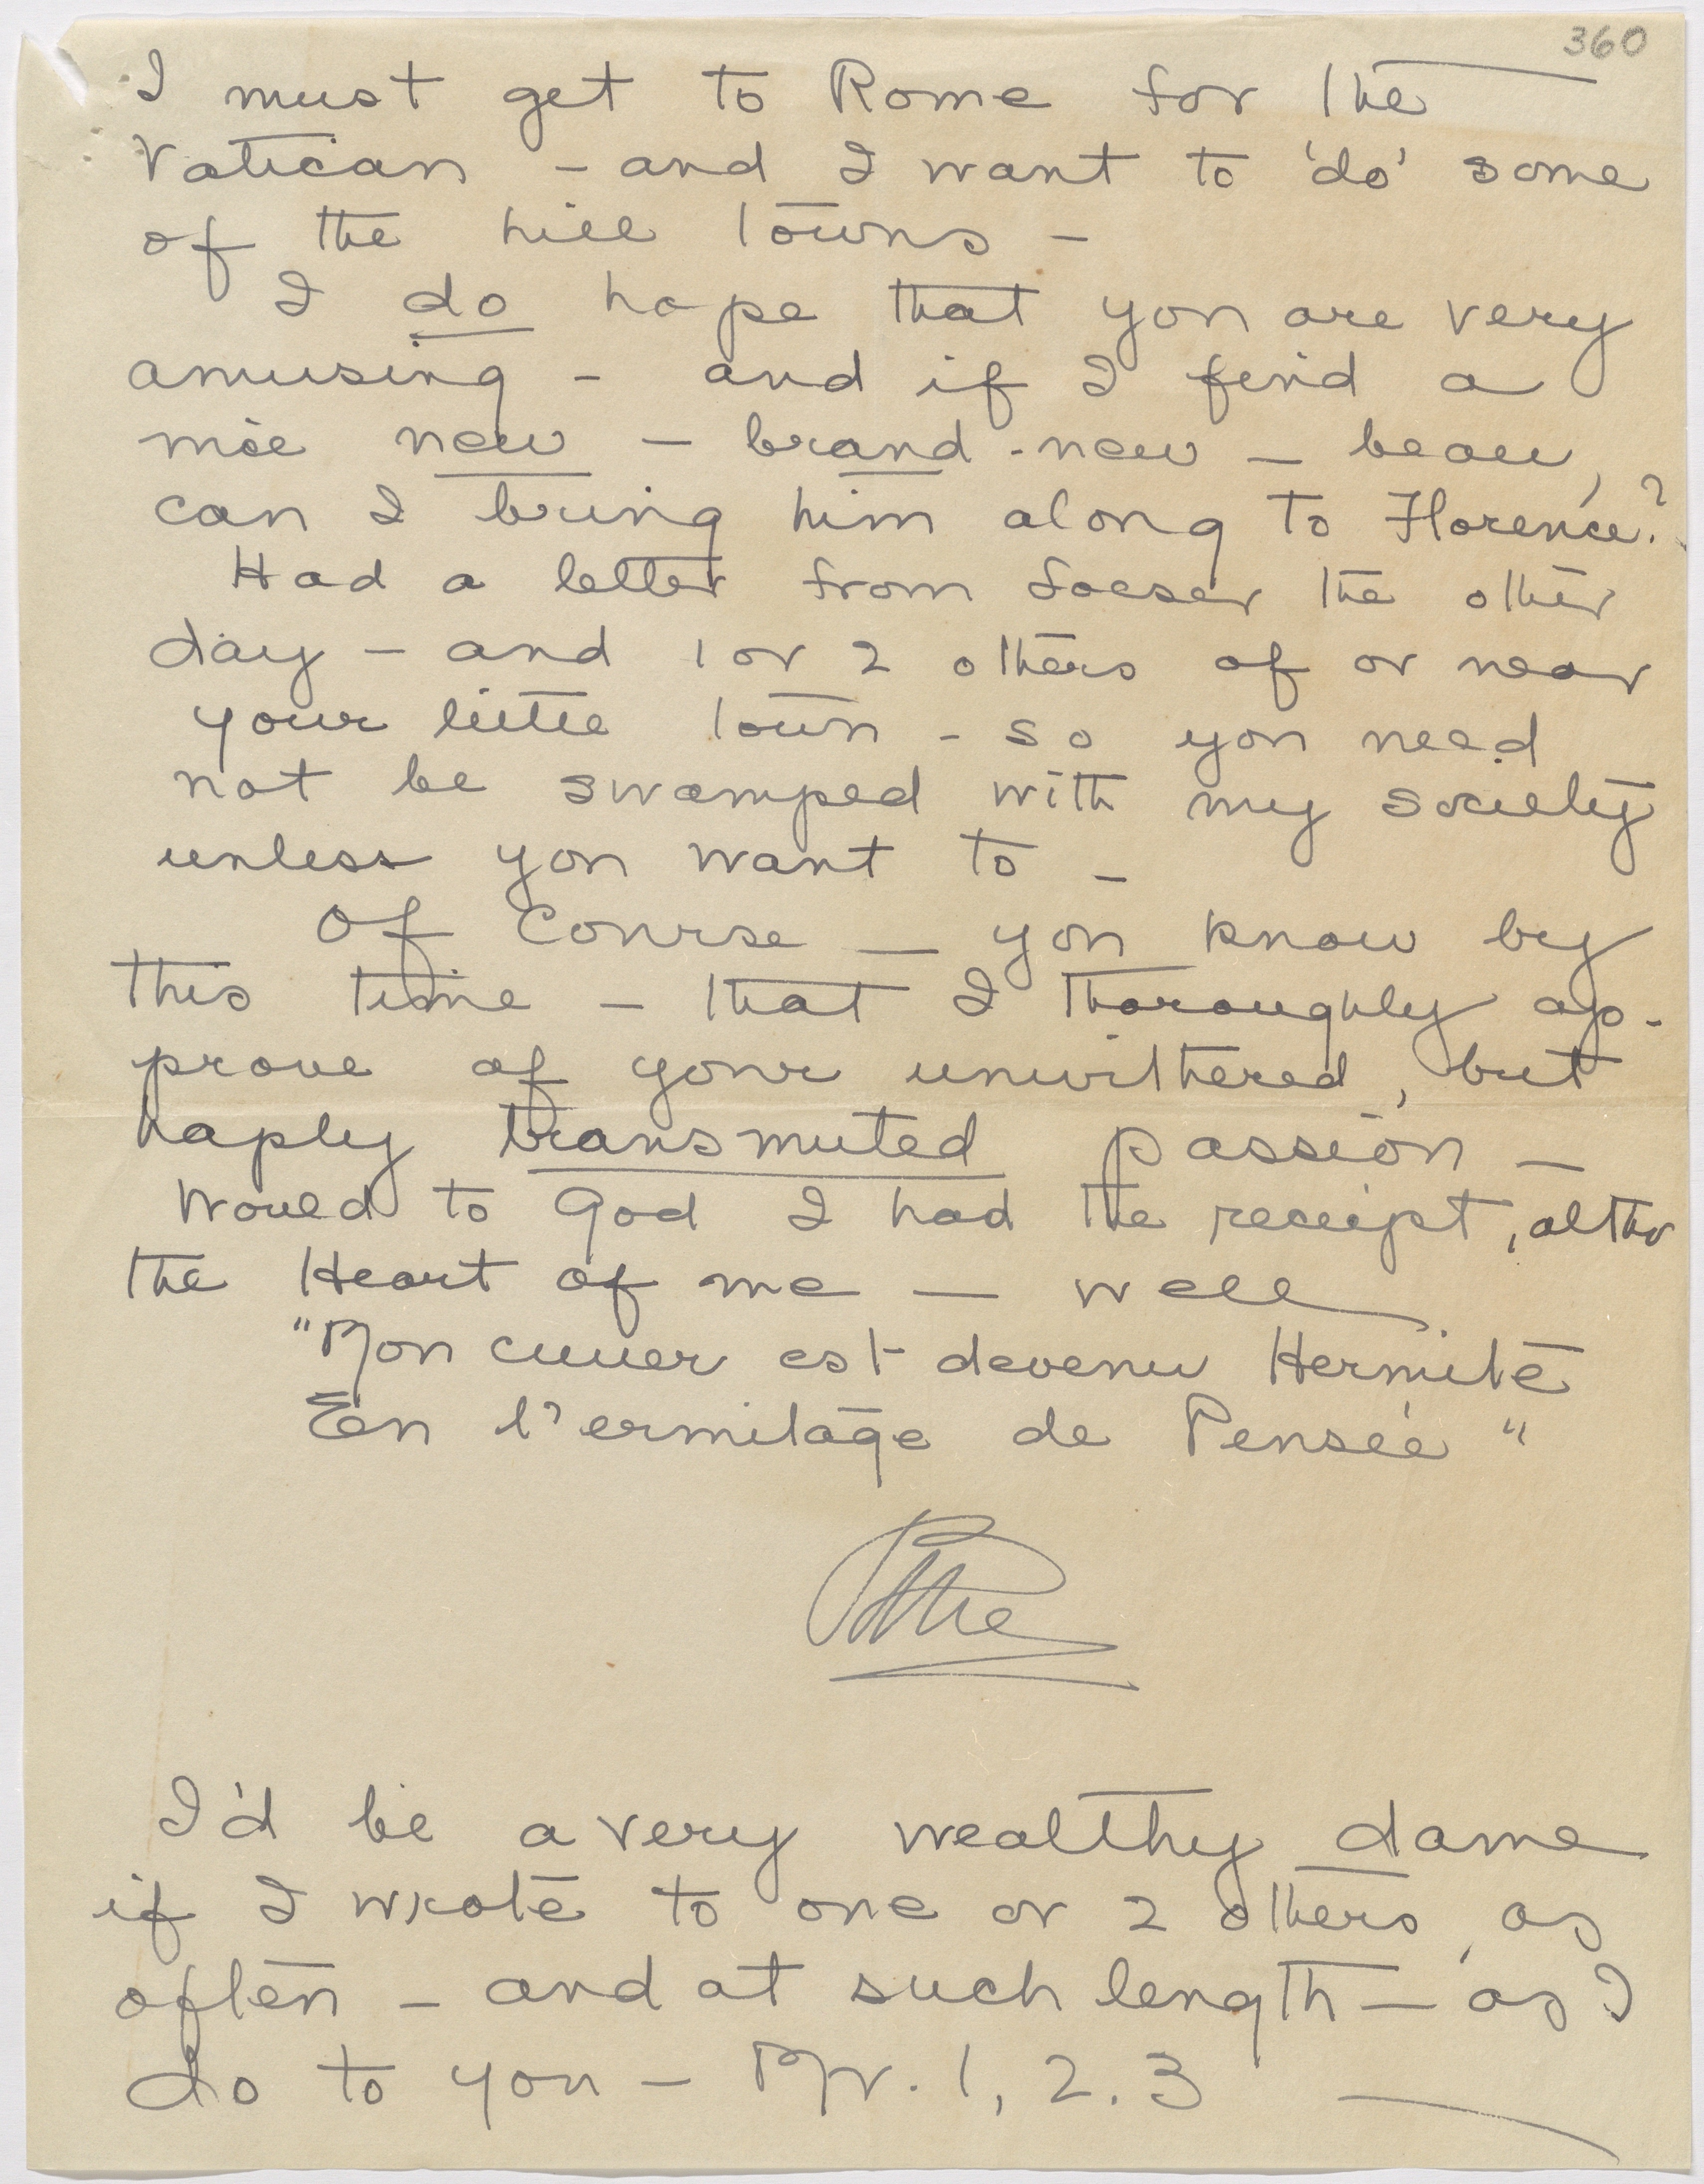I must get to Rome for the Vatican – and I want to ‘do’ some of the hill towns –
I do hope that you are very amusing – and if I find a nice new – brand new – beau, can I bring him along to Florence?
Had a letter from Loeser the other day – and 1 or 2 others of or near your little town – so you need not be swamped with my society unless you want to –
Of course – you know by this time – that I thoroughly approve of your unwithered, but haply transmuted passion – would to God I had the receipt, alter the Heart of me – well
“Mon coeuer [sic] est devenu Hermite
En l’ermitage de Pensée”
Belle
I’d be a very wealthy dame if I wrote to one or 2 others, as often – and at such length – as I
do to you – Mr. 1, 2, 3 –